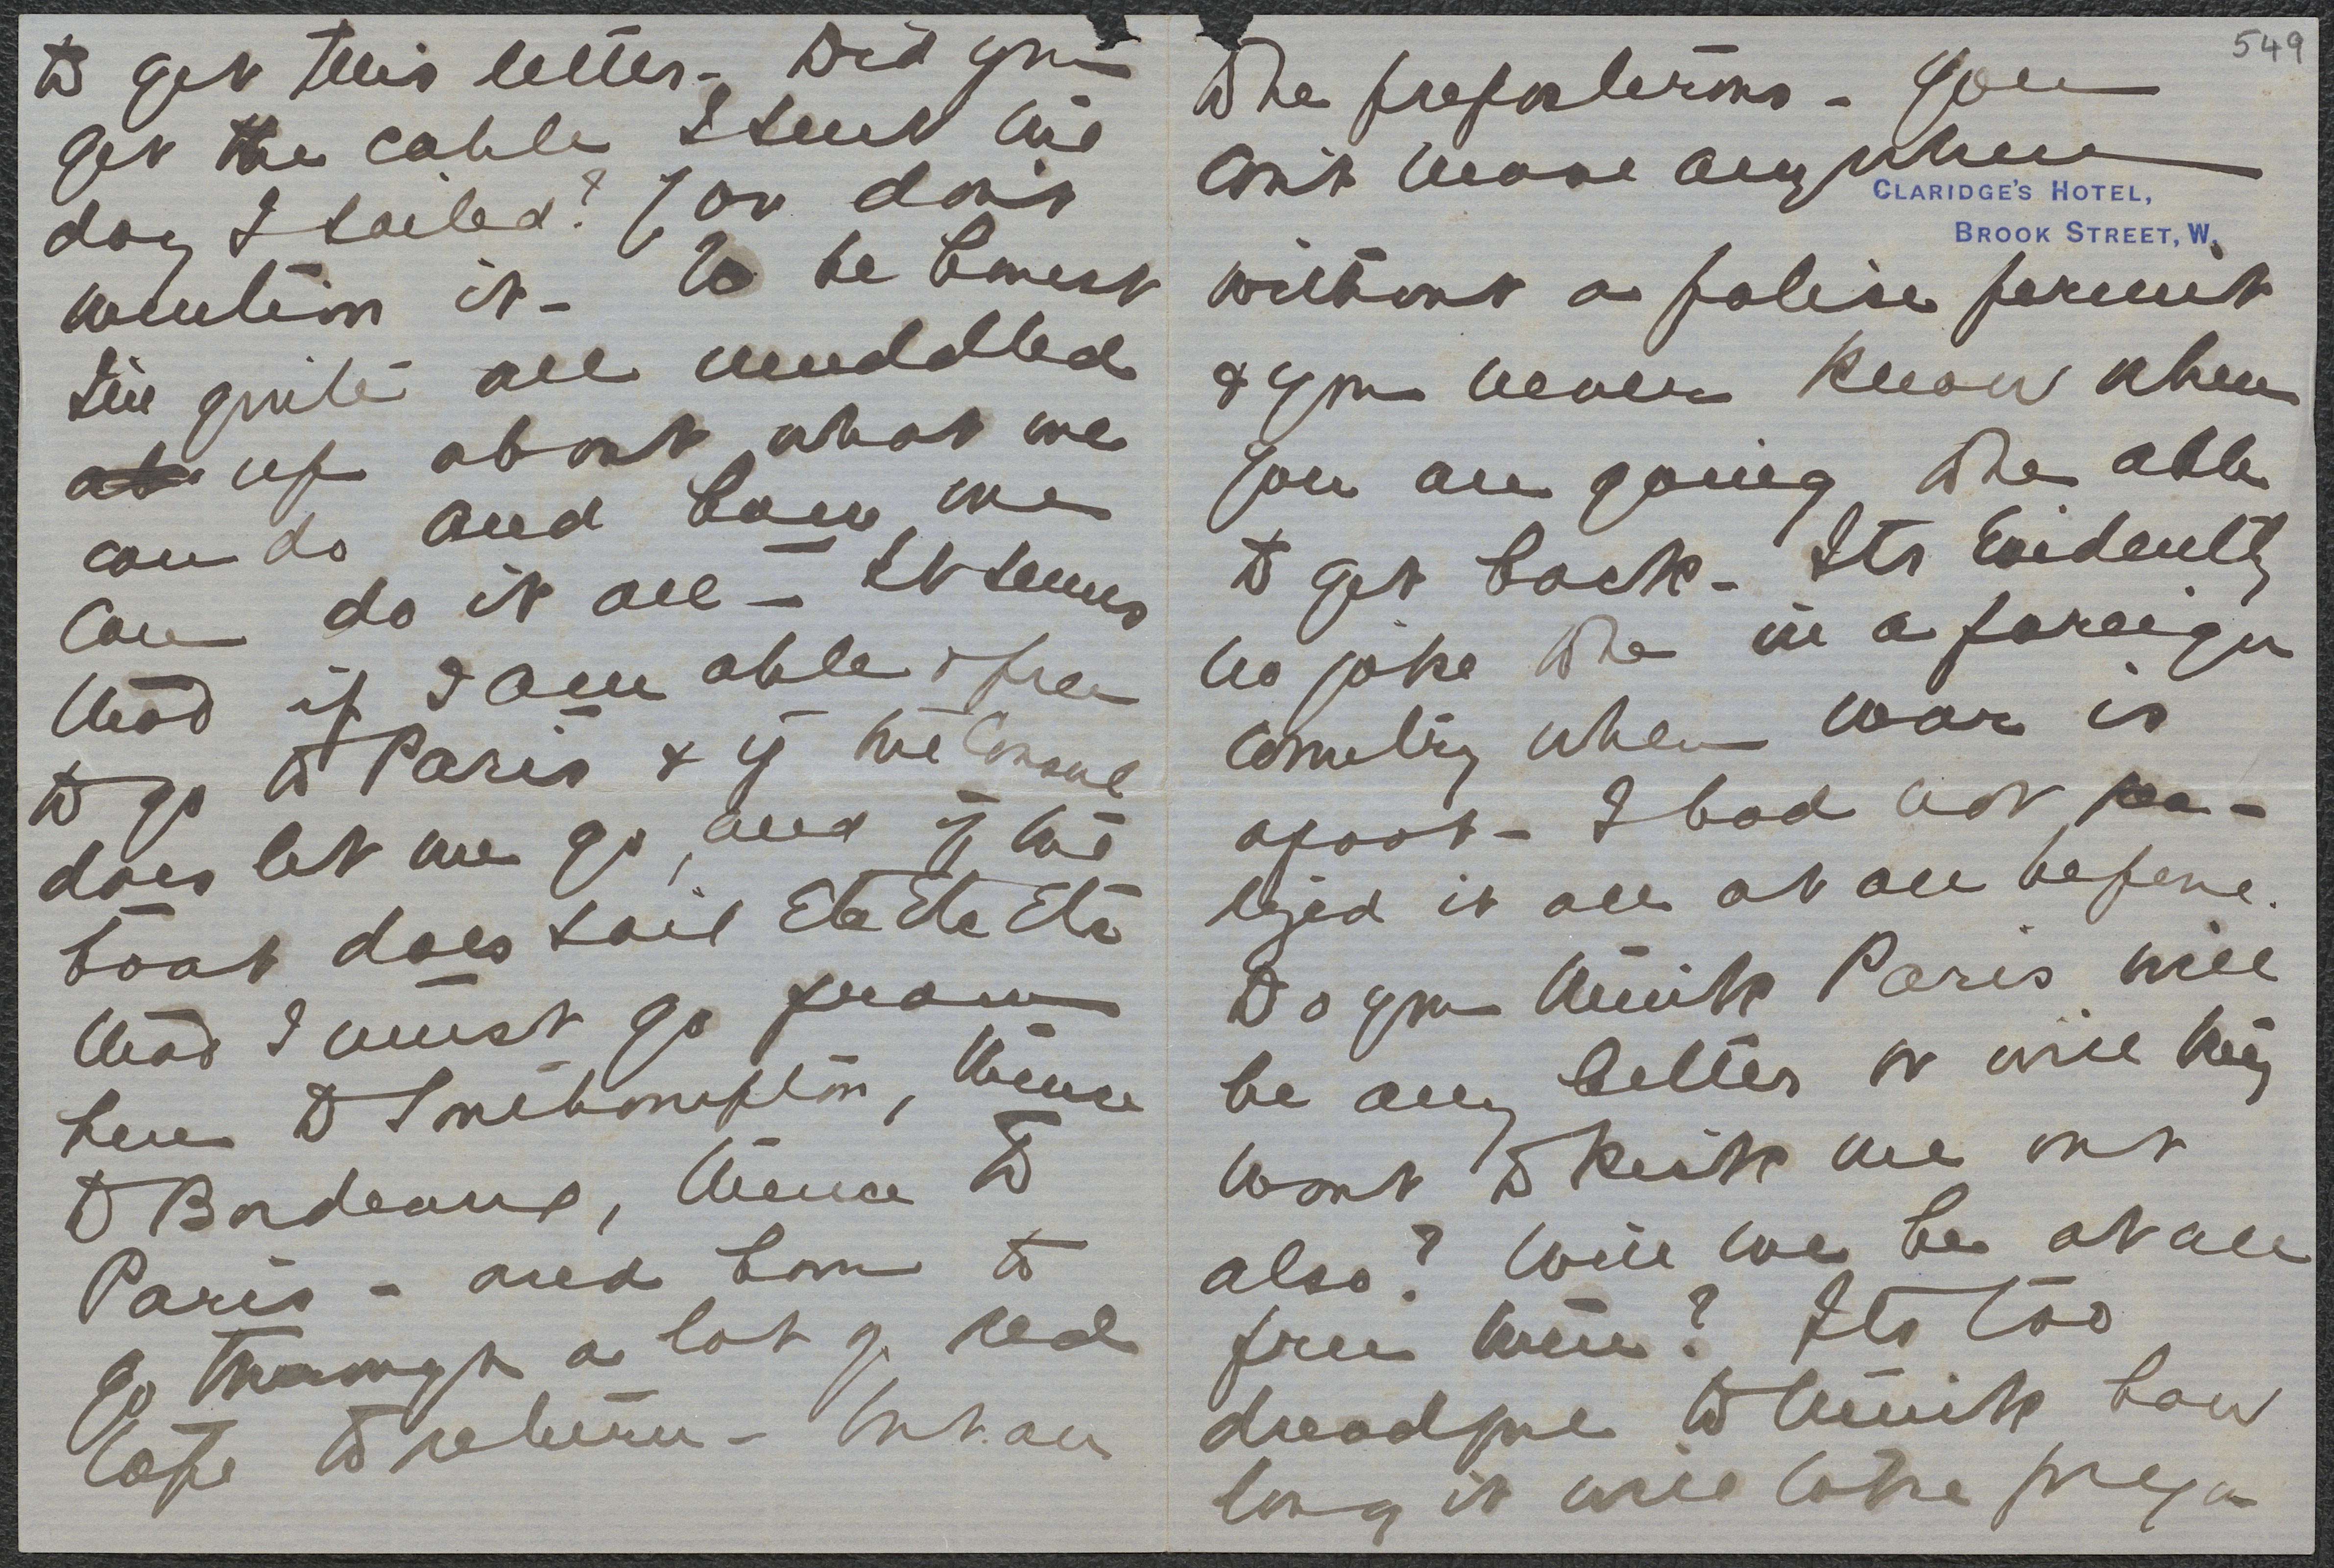to be preposterous – You can’t move anywhere without a police permit & you never know where you are going or be able to get back – Its [sic] evidently no joke to be in a foreign country when war is afoot – I had not realized it all at all before. Do you think Paris will be any better or will they want to kick me out also? Will we be at all free there? Its [sic] too dreadful to think how long it will take for you
to get this letter – Did you get the cable I sent the day I sailed? You don’t mention it – To be honest I’m quite all muddled ab up about what we can do and how we can do it all – It seems that if I am able & free to go to Paris & if the Consul does let me go and if the boat does sail etc etc etc that I must go from here to Southampton, thence to Bordeaux, thence to Paris – and have to go through a lot of red tape to return – but all